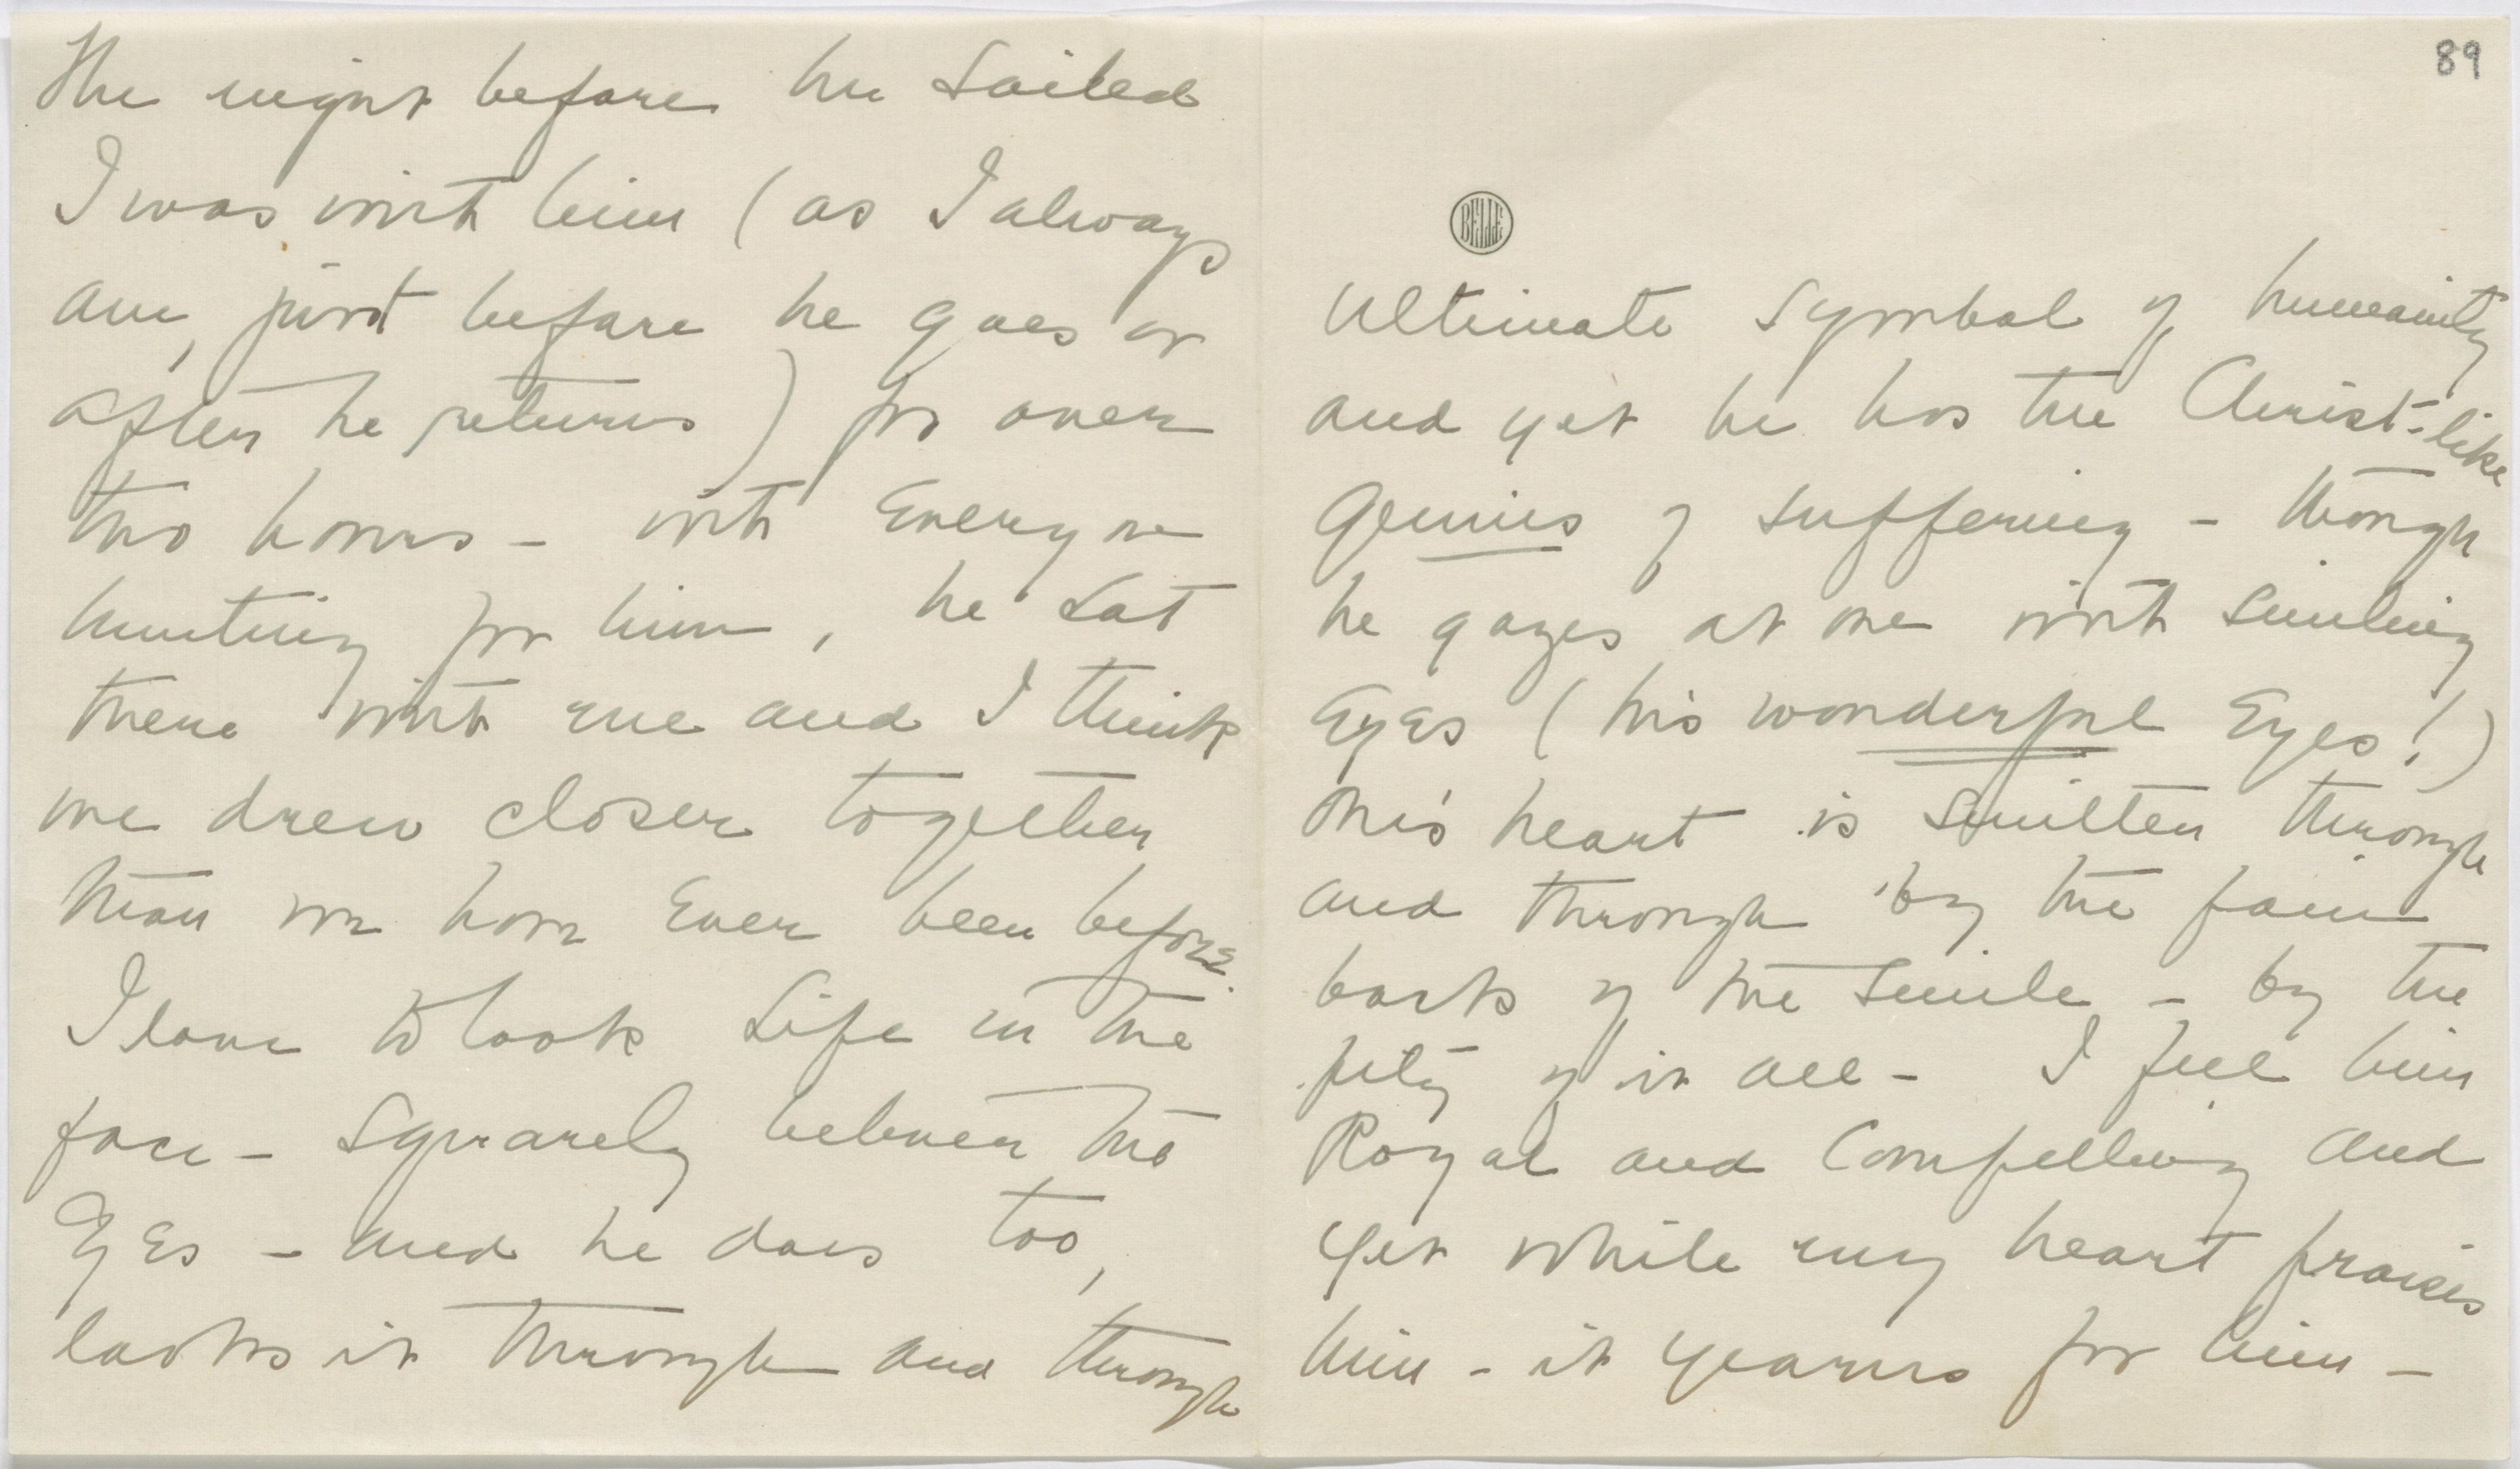ultimate symbol of humanity and yet he has the Christ-like genius of suffering – though he gazes at me with smiling eyes (his [double underlined: wonderful] eyes!) one’s heart is smitten through and through by the fain hark of the smile – by the pity of it all – I feel him Royal and compelling and yet while my heart praises him – it yearns for him –
The night before he sailed I was with him (as I always am, just before he goes or after he returns) for over two hours – with everyone hunting for him, he sat there with me and I think we drew closer together than we have ever been before. I have to look life in the face – squarely between the eyes – and he does too, looks it through and through